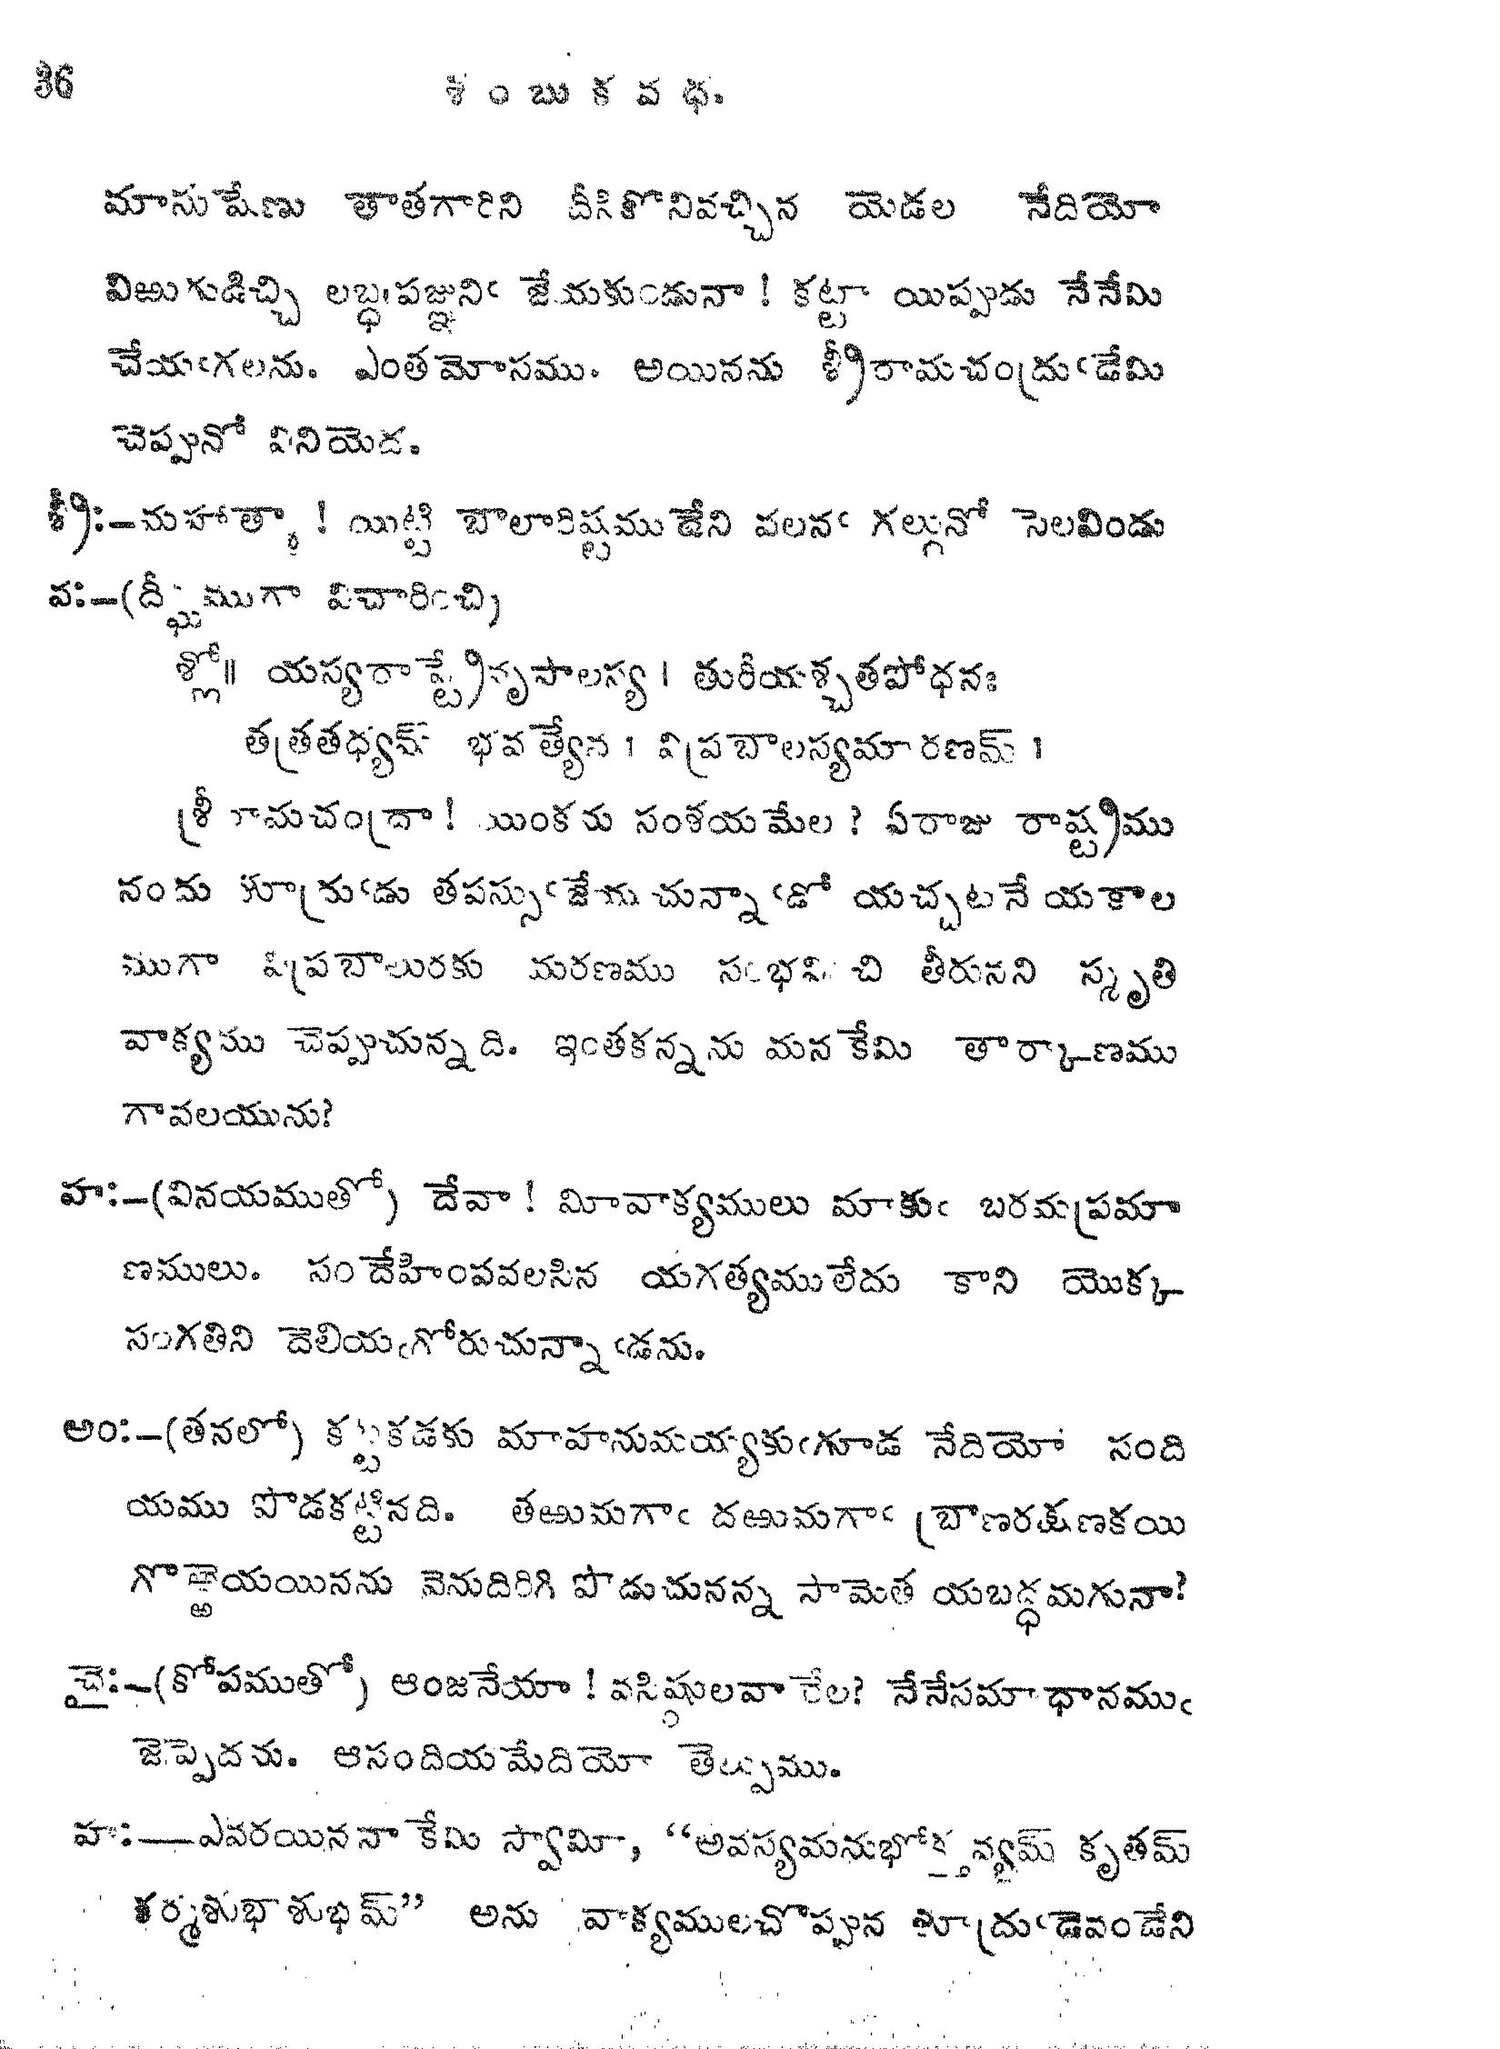మాసు షేణు తాతగారిని దీసికొనివచ్చిన యెడల
 "నేదియో విఱు గుడిచ్చి లబ్ధః ప్రజ్ఞునిఁ జేయకుండునా ! కట్టా యిప్పుడు 
 నేనేమి చేయఁగలను. ఎంత మోసము. అయినను శ్రీరామచంద్రుఁ డేమి
 చెప్పునో వినియెద.

శ్రీ:- మహాత్మా ! యిట్టి బాలారిష్టము దేని వలనఁ గల్గునో సెలవిండు

వ: (దీర్ఘముగా విచారించి)
 శ్లో:యరాష్ట్రే నృపాలస్య ! తురీయశ్చతపోధనః
 తత్రతధ్యమ్' భవ త్యేన 1 విప్రబాలస్యమారణమ్: 1

 శ్రీ కామచంద్రా ! .ఇఓకను సంశయమేల ! ఏరాజు రాష్ట్రము
 నందు శూద్రుఁడు తపస్సుఁ జేయు చున్నాడో యచ్చట నేయకాల
 ముగా విప్రబాలురకు మరణము సంభంచి తీరునని స్మృతి
 వాక్యము చెప్పుచున్నది. ఇంతకన్నను మన కేమి తార్కాణము
 గావలయును?

హ:- (వినయముతో) దేవా ! మీవాక్యములు మాకుఁ బరమప్రమా
 ణములు. సందేహింపవలసిన యగత్యము లేదు కాని యొక్క
 సంగతిని దెలియఁ గోరుచున్నాఁడను.

అం:-(తనలో) కట్టకడకు మాహనుమయ్యకుఁగూడ నేదియో సంది
 యము పొడకట్టినది. తఱుమగాఁ దఱుమగాఁ బ్రాణరక్షణకయి
 గొర్రెయయినను వెనుదిరిగి పొడుచునన్న సామెత యబద్దమగునా?

చై: (కోపముతో) ఆంజనేయా! వసిష్ఠులవారేల? నేనే సమాధానముఁ
 జెప్పెదను. ఆసందియ మేదియో తెల్పుము.

హ:- ఎవరయిన నా కేమి స్వామి", "అవస్యమనుభోక్తవ్యమ్ కృతమ్
 కర్మశుభాశుభమ్” అను వాక్యముల చొప్పున సూద్రు డెవండేని